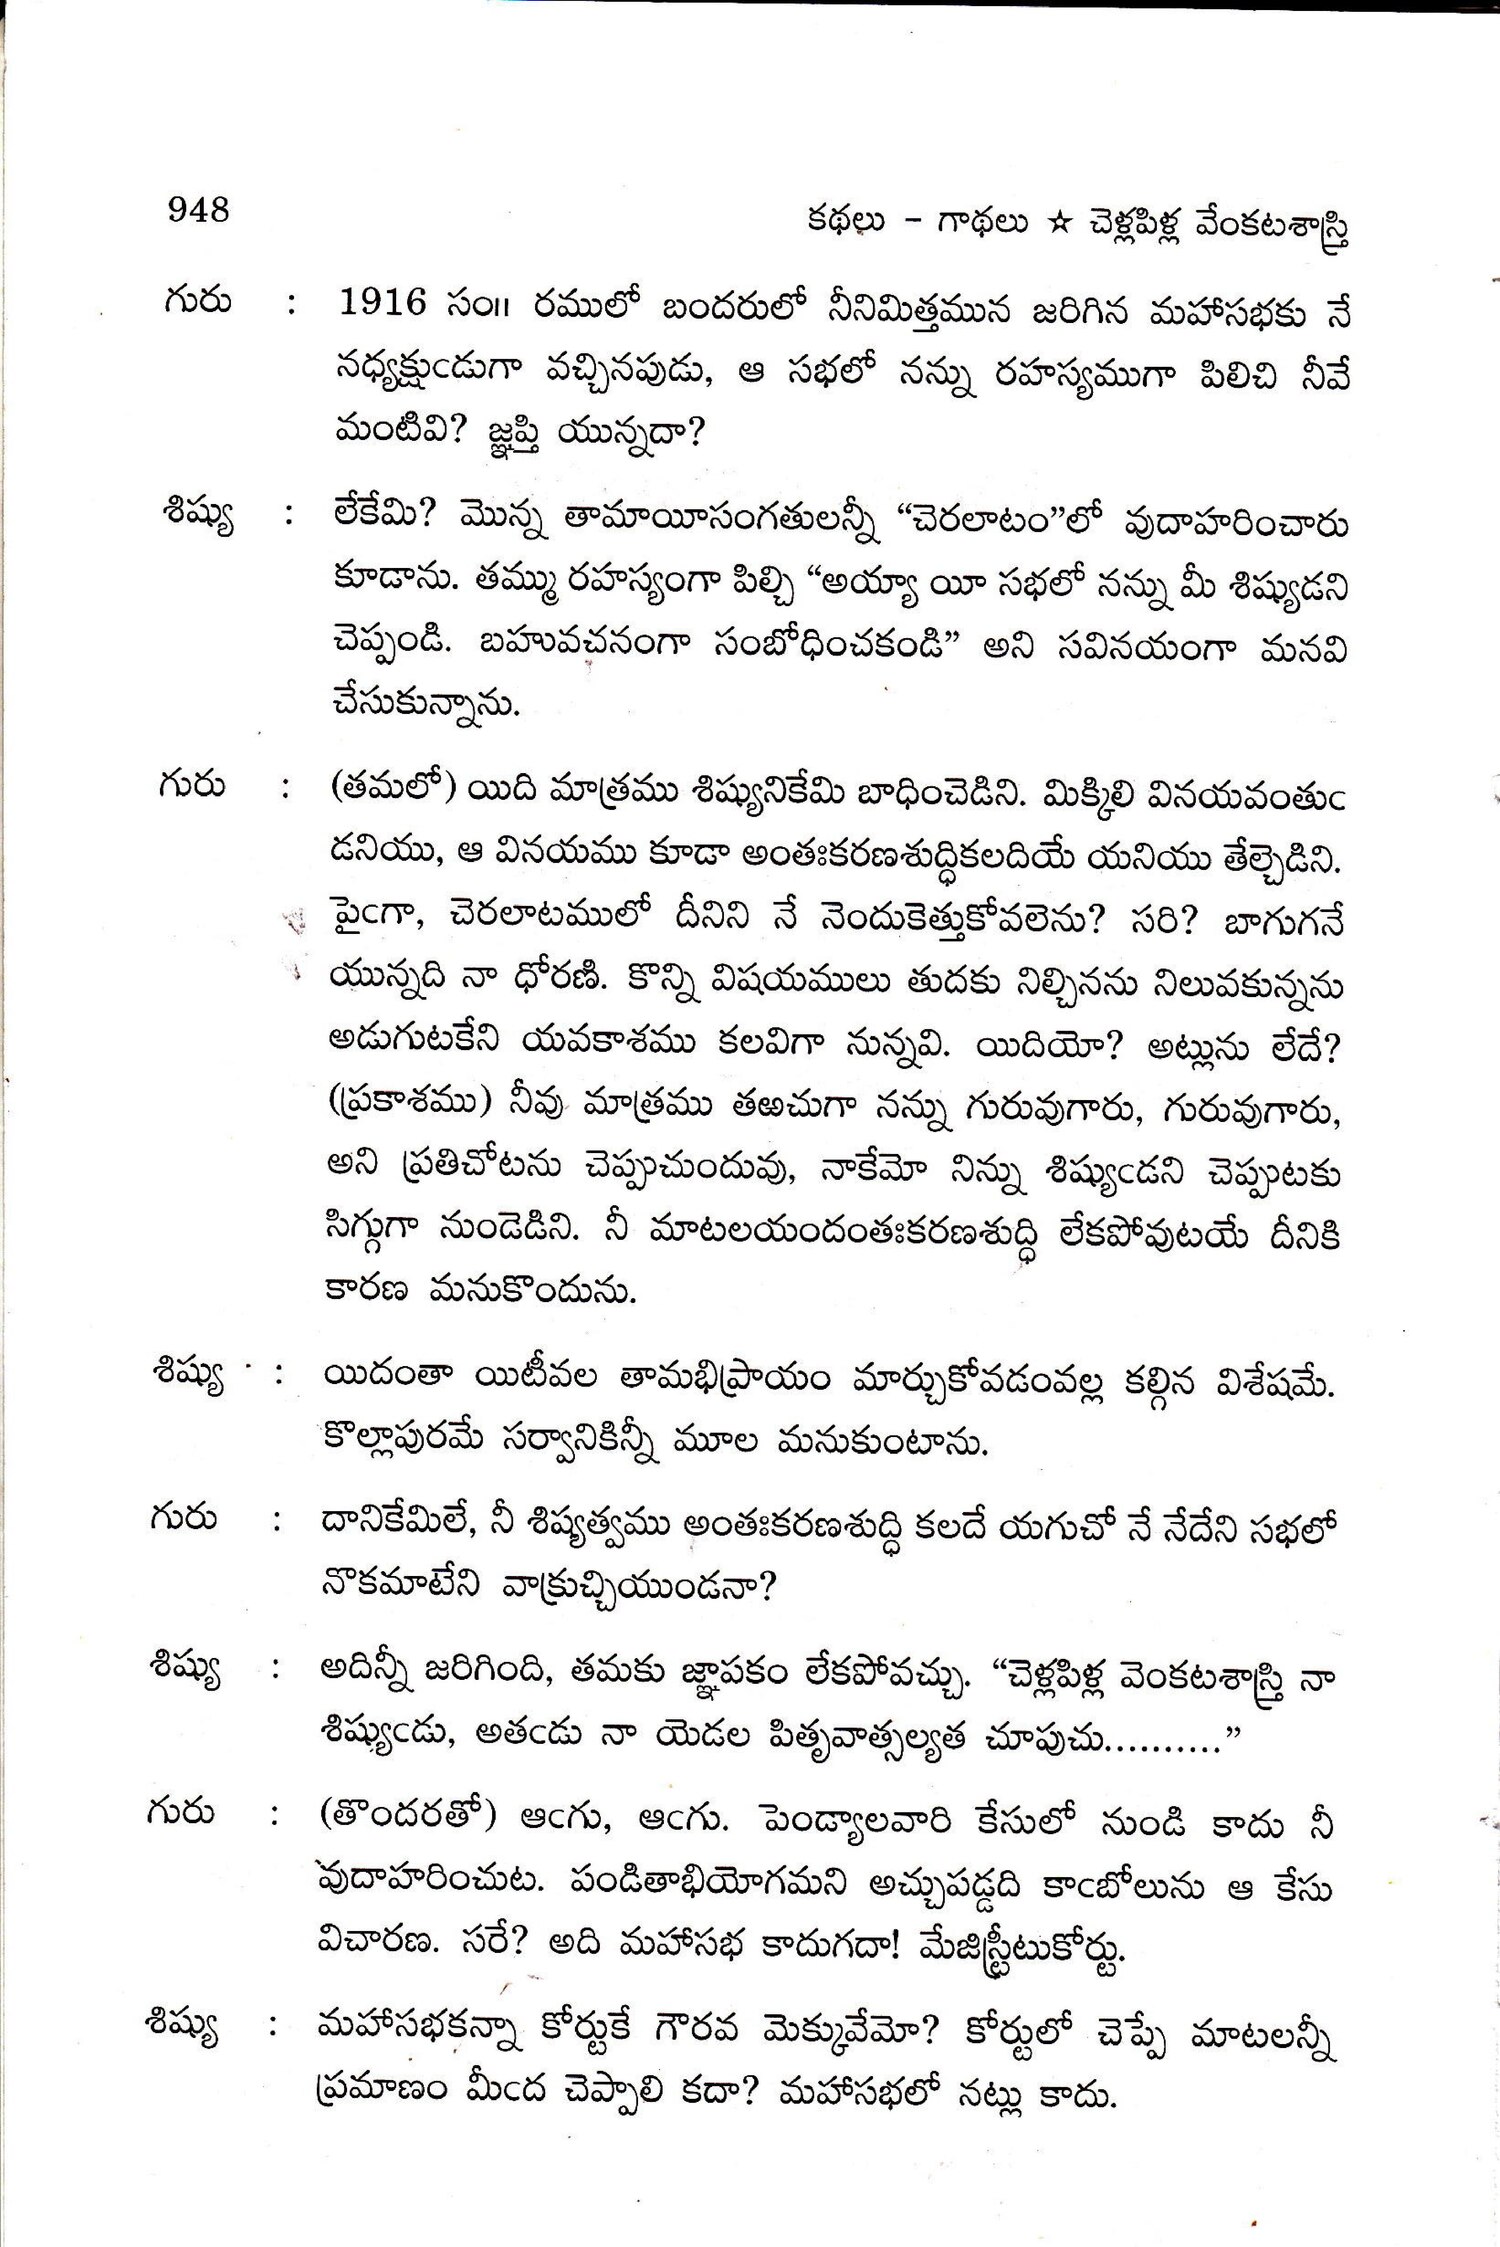గురు : 1916 సం|| రములో బందరులో నీనిమిత్తమున జరిగిన మహాసభకు నే నధ్యక్షుఁడుగా వచ్చినపుడు, ఆ సభలో నన్ను రహస్యముగా పిలిచి నీవే మంటివి? జ్ఞప్తి యున్నదా?

శిష్యు : లేకేమి? మొన్న తామాయీసంగతులన్నీ “చెరలాటం"లో వుదాహరించారు కూడాను. తమ్ము రహస్యంగా పిల్చి "అయ్యా యీ సభలో నన్ను మీ శిష్యుడని చెప్పండి. బహువచనంగా సంబోధించకండి" అని సవినయంగా మనవి చేసుకున్నాను. 

గురు : (తమలో) యిది మాత్రము శిష్యునికేమి బాధించెడిని. మిక్కిలి వినయవంతుc డనియు, ఆ వినయము కూడా అంతఃకరణశుద్ధికలదియే యనియు తేల్చెడిని. పైఁగా, చెరలాటములో దీనిని నే నెందుకెత్తుకోవలెను? సరి? బాగుగనే యున్నది నా ధోరణి. కొన్ని విషయములు తుదకు నిల్చినను నిలువకున్నను అడుగుటకేని యవకాశము కలవిగా నున్నవి. యిదియో? అట్లును లేదే? (ప్రకాశము) నీవు మాత్రము తఱచుగా నన్ను గురువుగారు, గురువుగారు, అని ప్రతిచోటను చెప్పుచుందువు, నాకేమో నిన్ను శిష్యుఁడని చెప్పుటకు సిగ్గుగా నుండెడిని. నీ మాటలయందంతఃకరణశుద్ధి లేకపోవుటయే దీనికి కారణ మనుకొందును.

శిష్యు : యిదంతా యిటీవల తామభిప్రాయం మార్చుకోవడంవల్ల కల్గిన విశేషమే. కొల్లాపురమే సర్వానికిన్నీ మూల మనుకుంటాను.

గురు : దానికేమిలే, నీ శిష్యత్వము అంతఃకరణశుద్ధి కలదే యగుచో నే నేదేని సభలో నొకమాటేని వాక్రుచ్చియుండనా?

శిష్యు : అదిన్నీ జరిగింది, తమకు జ్ఞాపకం లేకపోవచ్చు. “చెళ్లపిళ్ల వెంకటశాస్త్రి నా శిష్యుఁడు, అతఁడు నా యెడల పితృవాత్సల్యత చూపుచు.......... "

గురు : (తొందరతో) ఆఁగు, ఆఁగు. పెండ్యాలవారి కేసులో నుండి కాదు నీ వుదాహరించుట. పండితాభియోగమని అచ్చుపడ్డది కాఁబోలును ఆ కేసు విచారణ. సరే? అది మహాసభ కాదుగదా! మేజిస్ట్రీటుకోర్టు,

శిష్యు : మహాసభకన్నా కోర్టుకే గౌరవ మెక్కువేమో? కోర్టులో చెప్పే మాటలన్నీ ప్రమాణం మీఁద చెప్పాలి కదా? మహాసభలో నట్లు కాదు.